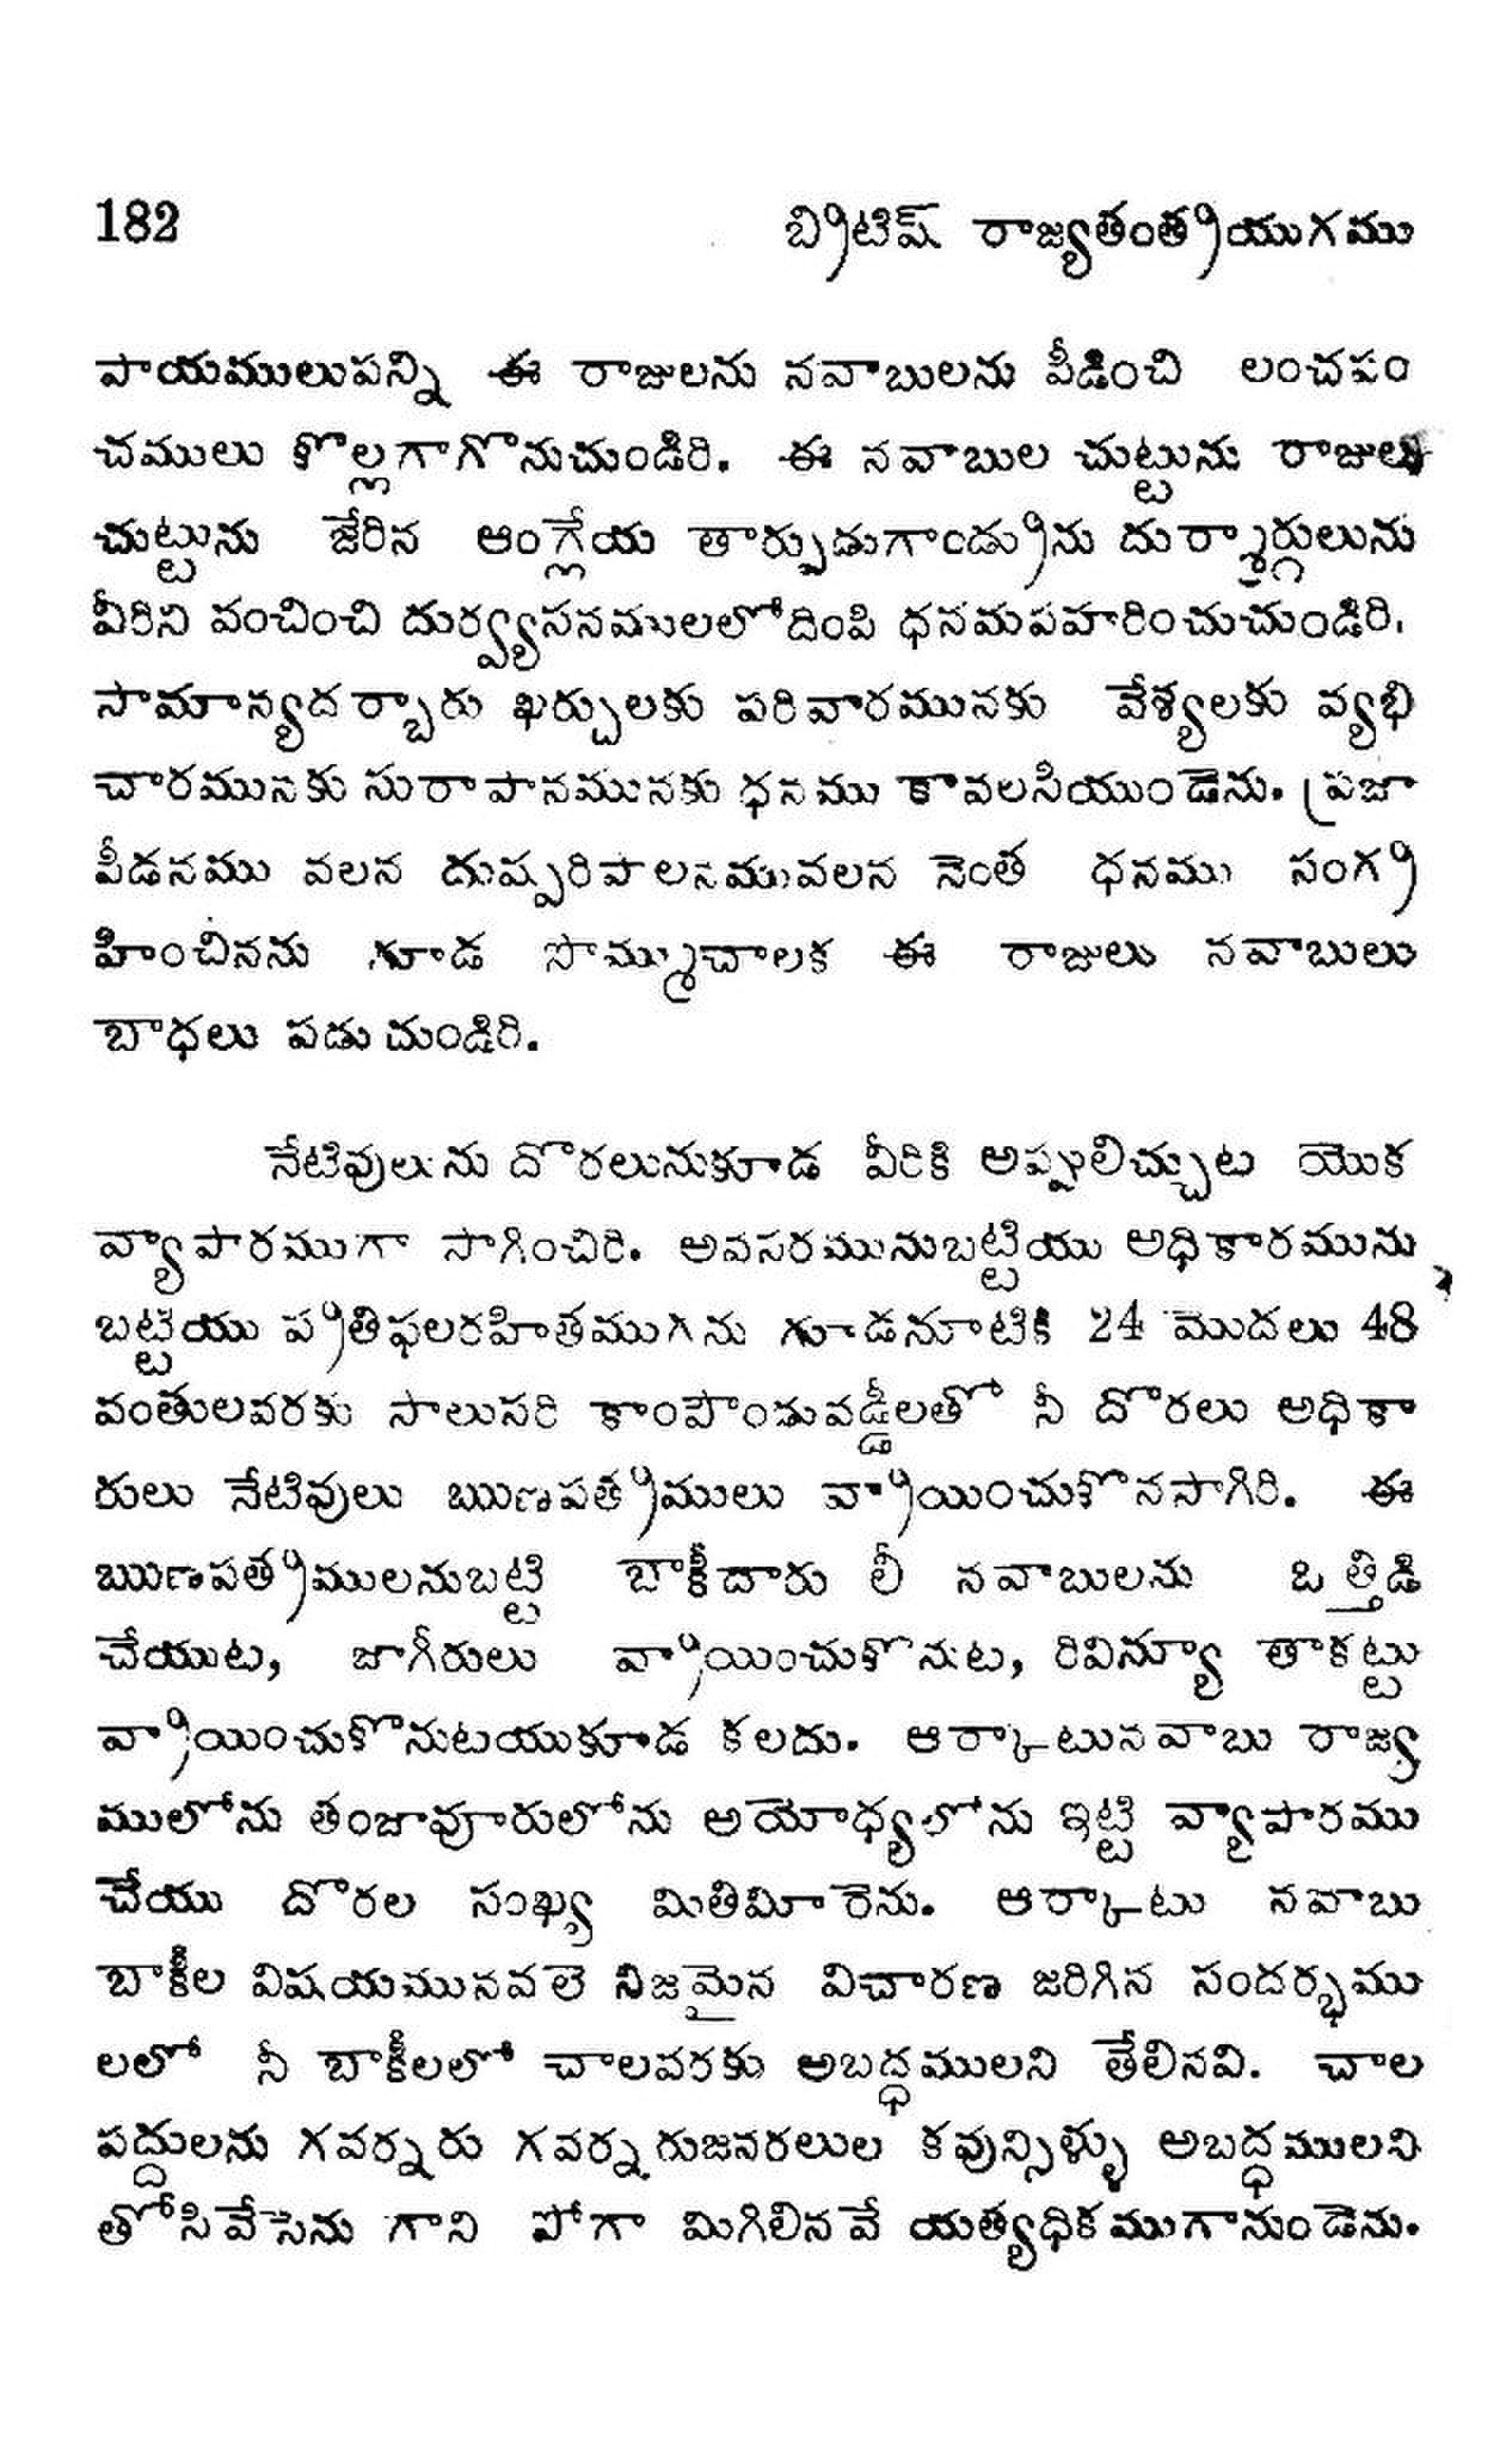పాయములుపన్ని ఈ రాజులను నవాబులను పీడించి లంచపంచములు కొల్లగాగొనుచుండిరి. ఈ నవాబుల చుట్టును రాజుల చుట్టును జేరిన ఆంగ్లేయ తార్పుడుగాండ్రును దుర్మార్గులును వీరిని వంచించి దుర్వ్యసనములలోదింపి ధనమపహరించుచుండిరి. సామాన్యదర్బారు ఖర్చులకు పరివారమునకు వేశ్యలకు వ్యభిచారమునకు సురాపానమునకు ధనము కావలసియుండెను. ప్రజా పీడనము వలన దుష్పరిపాలనమువలన నెంత ధనము, సంగ్రహించినను గూడ సొమ్ముచాలక ఈ రాజులు నవాబులు బాధలు పడుచుండిరి.

నేటివులును దొరలునుకూడ వీరికి అప్పులిచ్చుట యొక వ్యాపారముగా సాగించిరి. అవసరమునుబట్టియు అధికారమును బట్టియు ప్రతిఫలరహితముగాను గూడనూటికి 24 మొదలు 48 వంతులవరకు సాలుసరి కాంపౌండువడ్డీలతో నీ దొరలు అధికారులు నేటివులు ఋణపత్రములు వ్రాయించుకొనసాగిరి. ఈ ఋణపత్రములనుబట్టి బాకీదారు లీ నవాబులను ఒత్తిడిచేయుట, జాగీరులు వ్రాయించుకొనుట, రివిన్యూ తాకట్టు వ్రాయించుకొనుటయుకూడ కలదు. ఆర్కాటునవాబు రాజ్యములోను తంజావూరులోను అయోధ్యలోను ఇట్టి వ్యాపారము చేయు దొరల సంఖ్య మితిమీరెను. ఆర్కాటు నవాబు బాకీల విషయమునవలె నిజమైన విచారణ జరిగిన సందర్భములలో నీ బాకీలలో చాలవరకు అబద్దములని తేలినవి. చాల పద్దులను గవర్నరు గవర్నరుజనరలుల కవున్సిళ్ళు అబద్దములని తోసివేసెను గాని పోగా మిగిలినవే యత్యధికముగానుండెను.